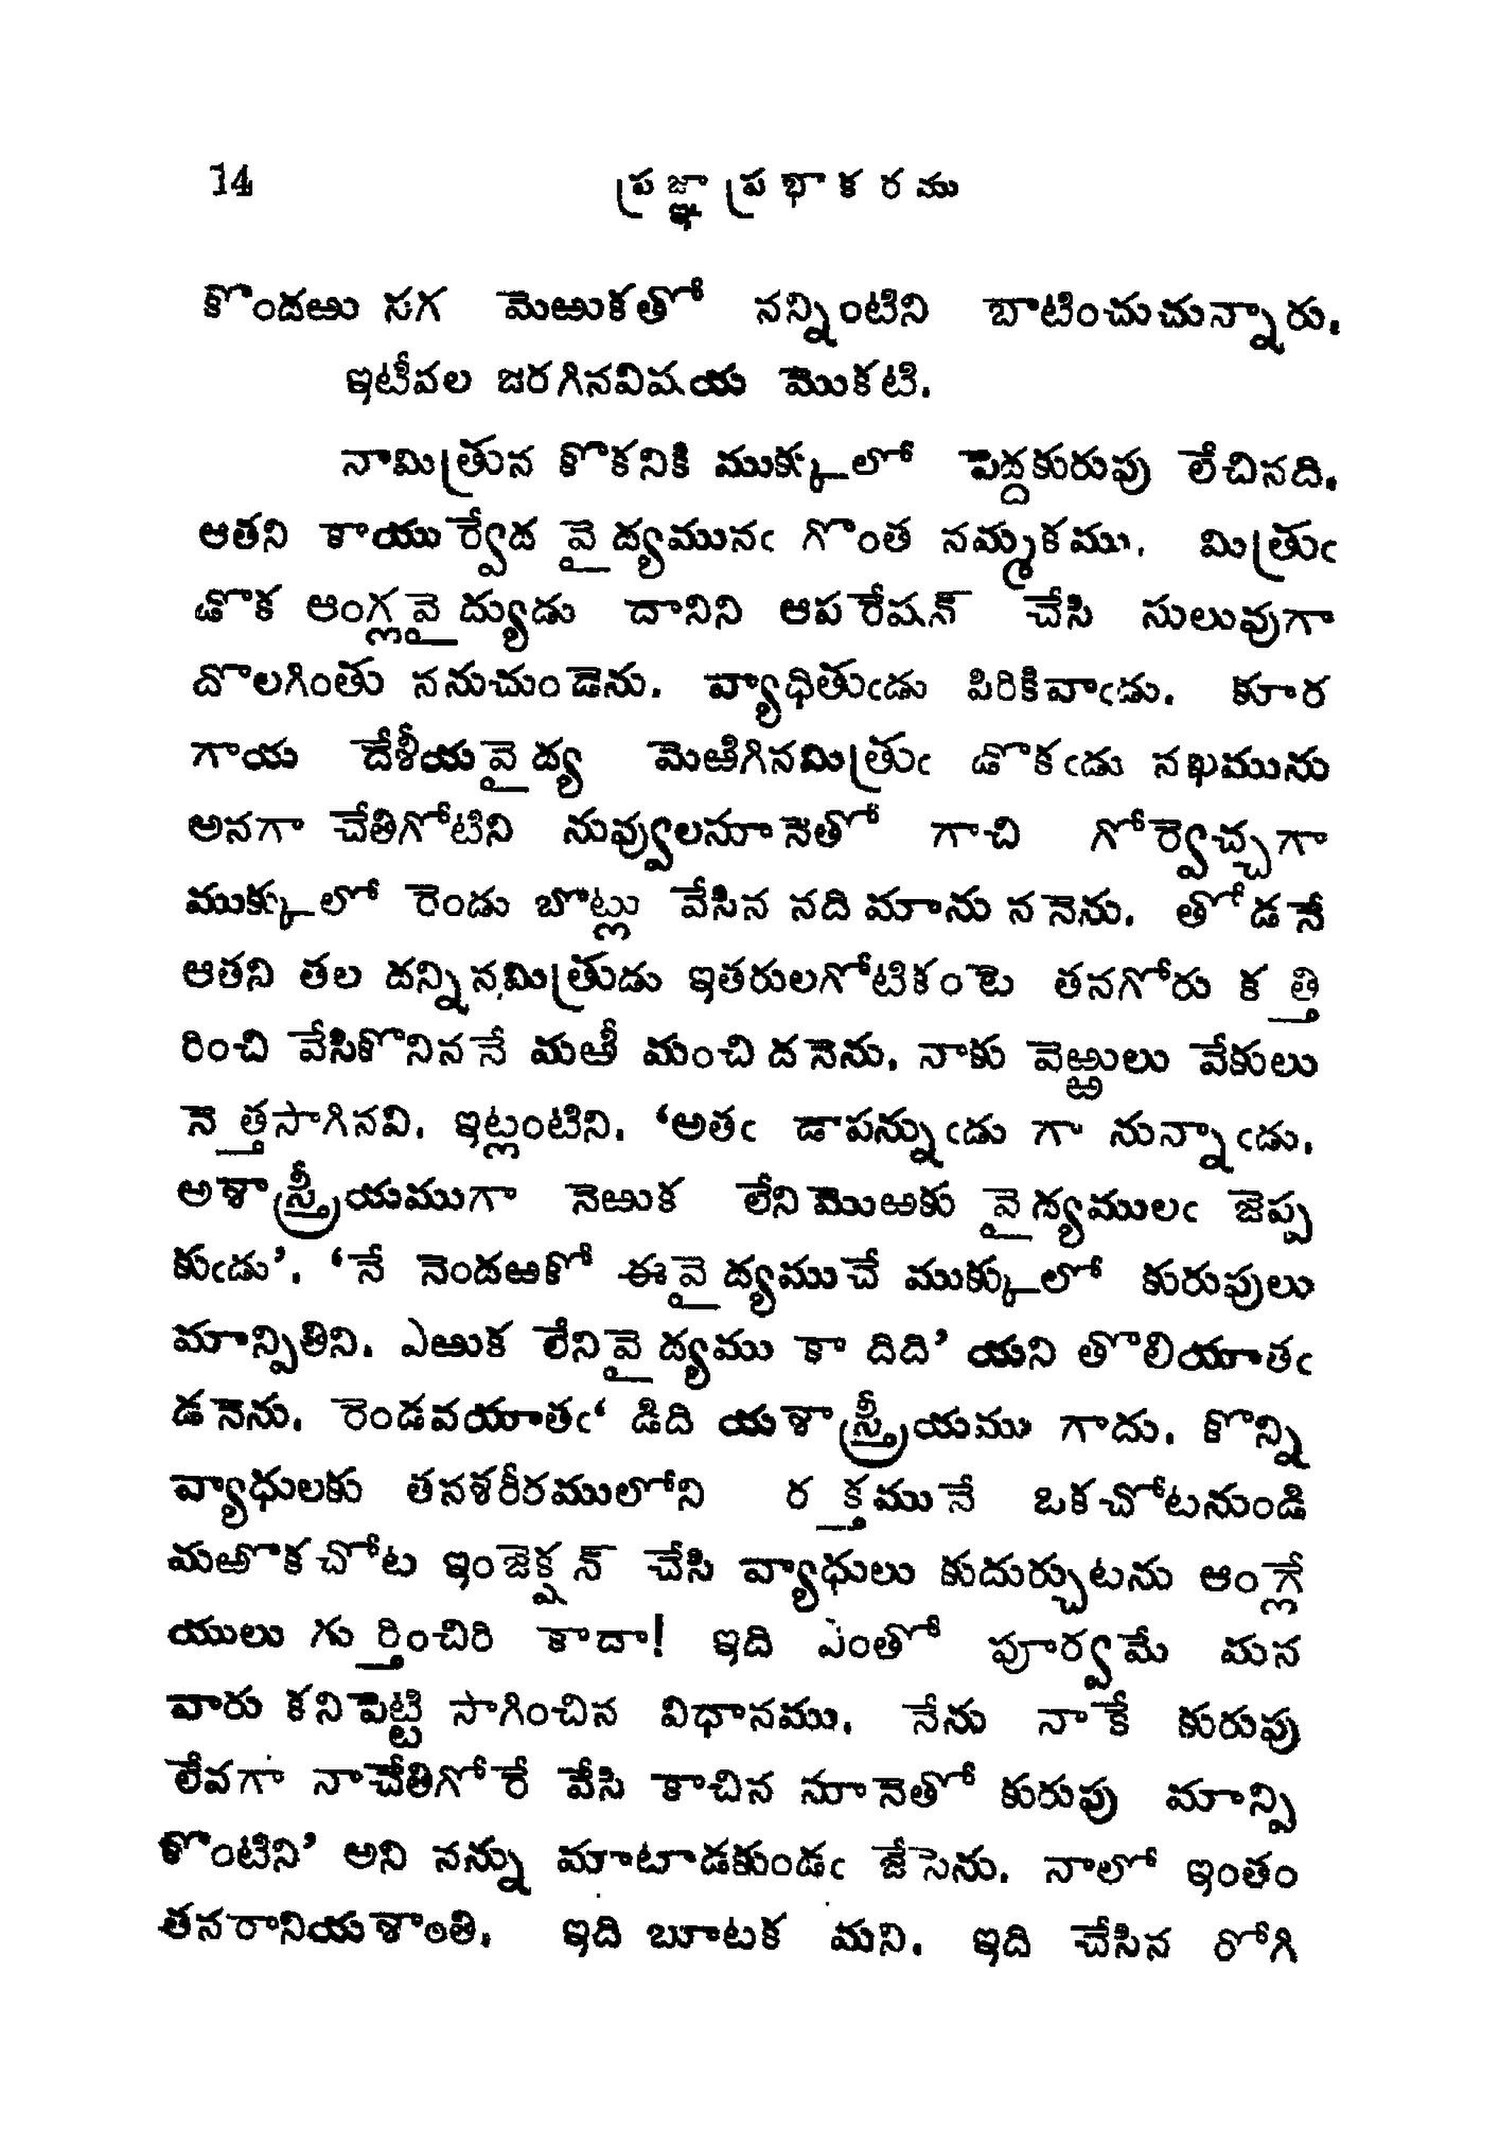కొందఱు సగ మెఱుకతో నన్నింటిని బాటించు చున్నారు.
 
ఇటీవల జరగినవిషయ మొకటి. 
 
నామిత్రున కొకనికి ముక్కులో పెద్దకురుపు లేచినది. ఆతని కాయుర్వేద వైద్యమునఁ గొంత నమ్మకము. మిత్రుఁ డొక ఆంగ్లవైద్యుడు దానికి ఆపరేషన్ చేసి సులువుగా దొలగింతు ననుంచెడెను. వ్యాధితుఁ డు పిరికి వాఁ డు. కూరగాయ దేశీయవైద్య మెఱిగినమిత్రుఁ డొకఁ డు నఖమును అనగా చేతిగోటిని నువ్వుల నూనెతో గాచి గోర్వెచ్చగా ముక్కలో రెండు బొట్లు వేసిన నది మాను ననెను. తోడనే ఆతని తల దన్నినమిత్రుడు ఇతరులగోటికంటే తనగోరు కత్తిరించి వేసికోనిననే మాఱీ మంచిదనెను. నాకు వెఱులు వేకులు నెత్తసాగినవి. ఇట్లంటిని.' అతఁ డాపన్నుఁ డు గానున్నాడు. ఆ శాస్త్రీయముగా నెఱుక లేని మొఱకు వైద్యములఁ జెప్పకుఁడు'.' నే నెందఱకో ఈ వైద్యముచే ముక్కులో కురుపులు మాన్పితిని. ఎఱుక లేని వైద్యము కాదిది' యని తొలియాతఁ డనెను. రెండవ యాతఁ ' డిది య శాస్త్రీయము గాదు. కొన్ని వ్యాధులకు తన శరీరములోని రక్తమునే ఒక చోటనుండి మఱొక చోట ఇంజెక్షన్ చేసి వ్యాధుల కుదుర్చుటను ఆంగ్లేయులు గుర్తించిరి కాదా! ఇది ఎంతో పూర్వమే మన వారు కనిపెట్టి సాగించిన విధానము. నేను నాకే కురుపు లేవగా నా చేతిగోరే వేసి కాచిన నూనెతో కురుపు మాన్పికొంటిని' అని నన్ను మాటాడకుండఁ జేసెను. నాలో ఇంతంతనరాని యశాంతి. ఇది చేసిన రోగి